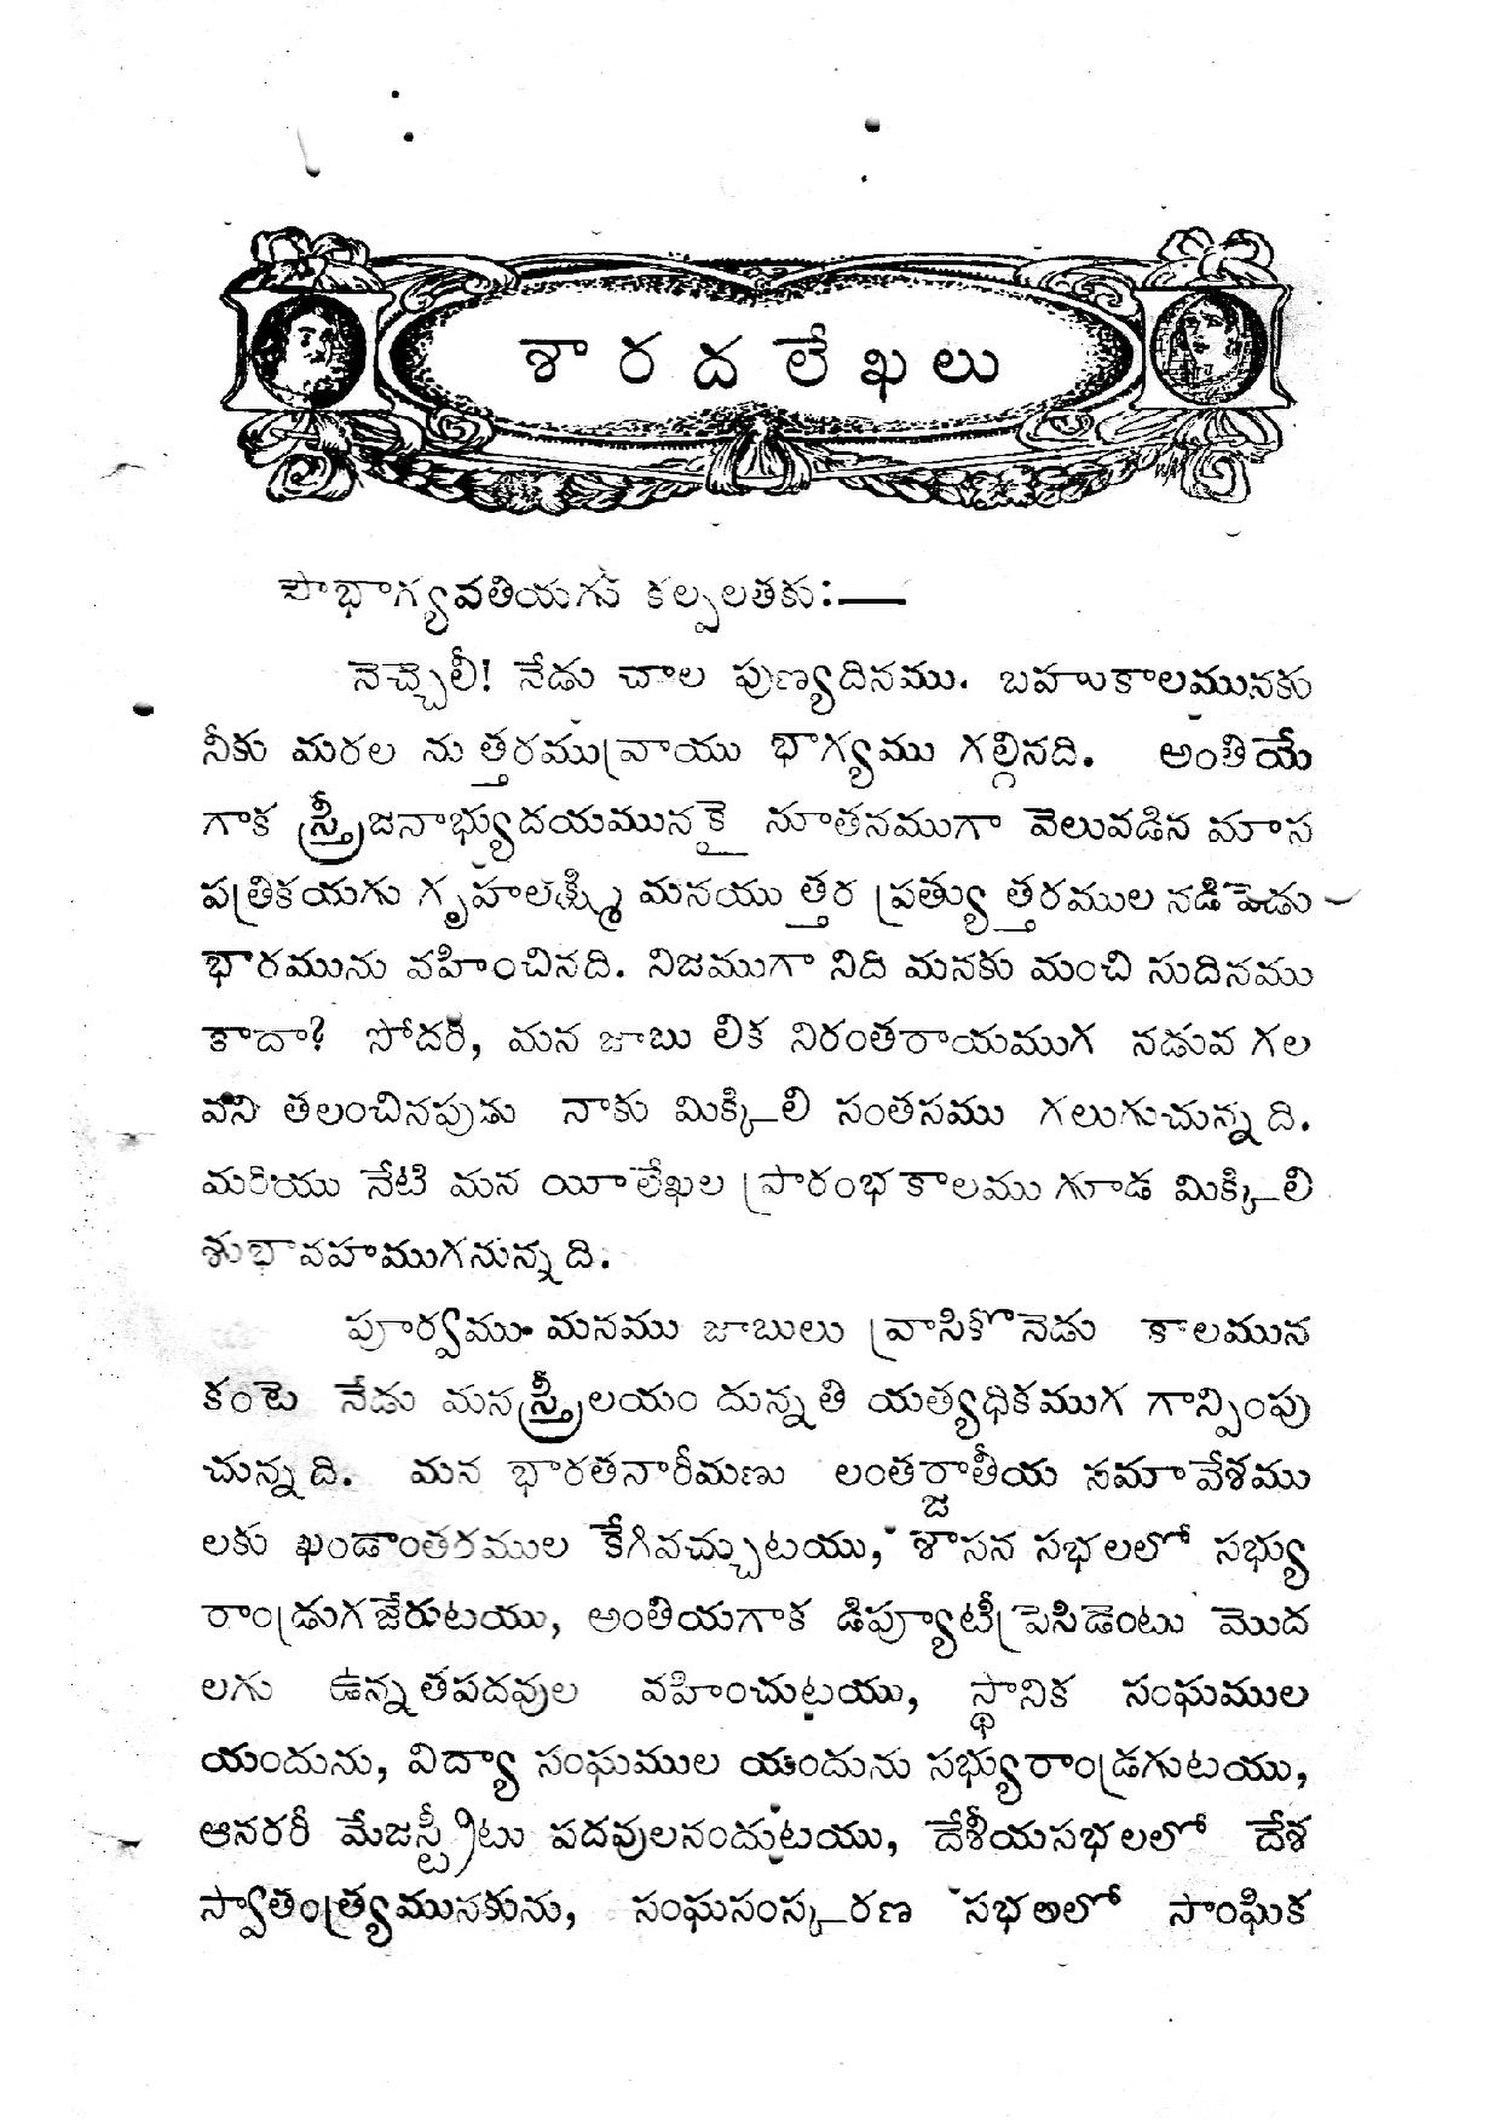సౌభాగ్యవతియగు కల్పలతకు:—

నెచ్చెలీ! నేడు చాల పుణ్యదినము. బహుకాలమునకు నీకు మరల నుత్తరమువ్రాయు భాగ్యము గల్గినది. అంతియేగాక స్త్రీజనాభ్యుదయమునకై నూతనముగా వెలువడిన మాసపత్రికయగు గృహలక్ష్మి మనయుత్తర ప్రత్యుత్తరముల నడిపెడు భారమును వహించినది. నిజముగా నిది మనకు మంచి సుదినము కాదా? సోదరీ, మన జాబు లిక నిరంతరాయముగ నడువ గలవని తలంచినపుడు నాకు మిక్కిలి సంతసము గలుగుచున్నది. మరియు నేటి మన యీలేఖల ప్రారంభకాలము గూడ మిక్కి_లి శుభావహముగనున్నది.

పూర్వము మనము జాబులు వ్రాసికొనెడు కాలమున కంటె నేడు మనస్త్రీలయం దున్నతి యత్యధికముగ గాన్పింపుచున్నది. మన భారతనారీమణు లంతర్జాతీయ సమావేశములకు ఖండాంతరముల కేగివచ్చుటయు, శాసన సభలలో సభ్యురాండ్రుగజేరుటయు, అంతియగాక డిప్యూటీ ప్రెసిడెంటు మొదలగు ఉన్నతపదవుల వహించుటయు, స్థానిక సంఘముల యందును, విద్యా సంఘముల యందును సభ్యురాండ్రగుటయు, ఆనరరీ మేజస్ట్రీటు పదవులనందుటయు, దేశీయసభలలో దేశ స్వాతంత్ర్యమునకును, సంఘసంస్కరణ సభలలో సాంఘిక